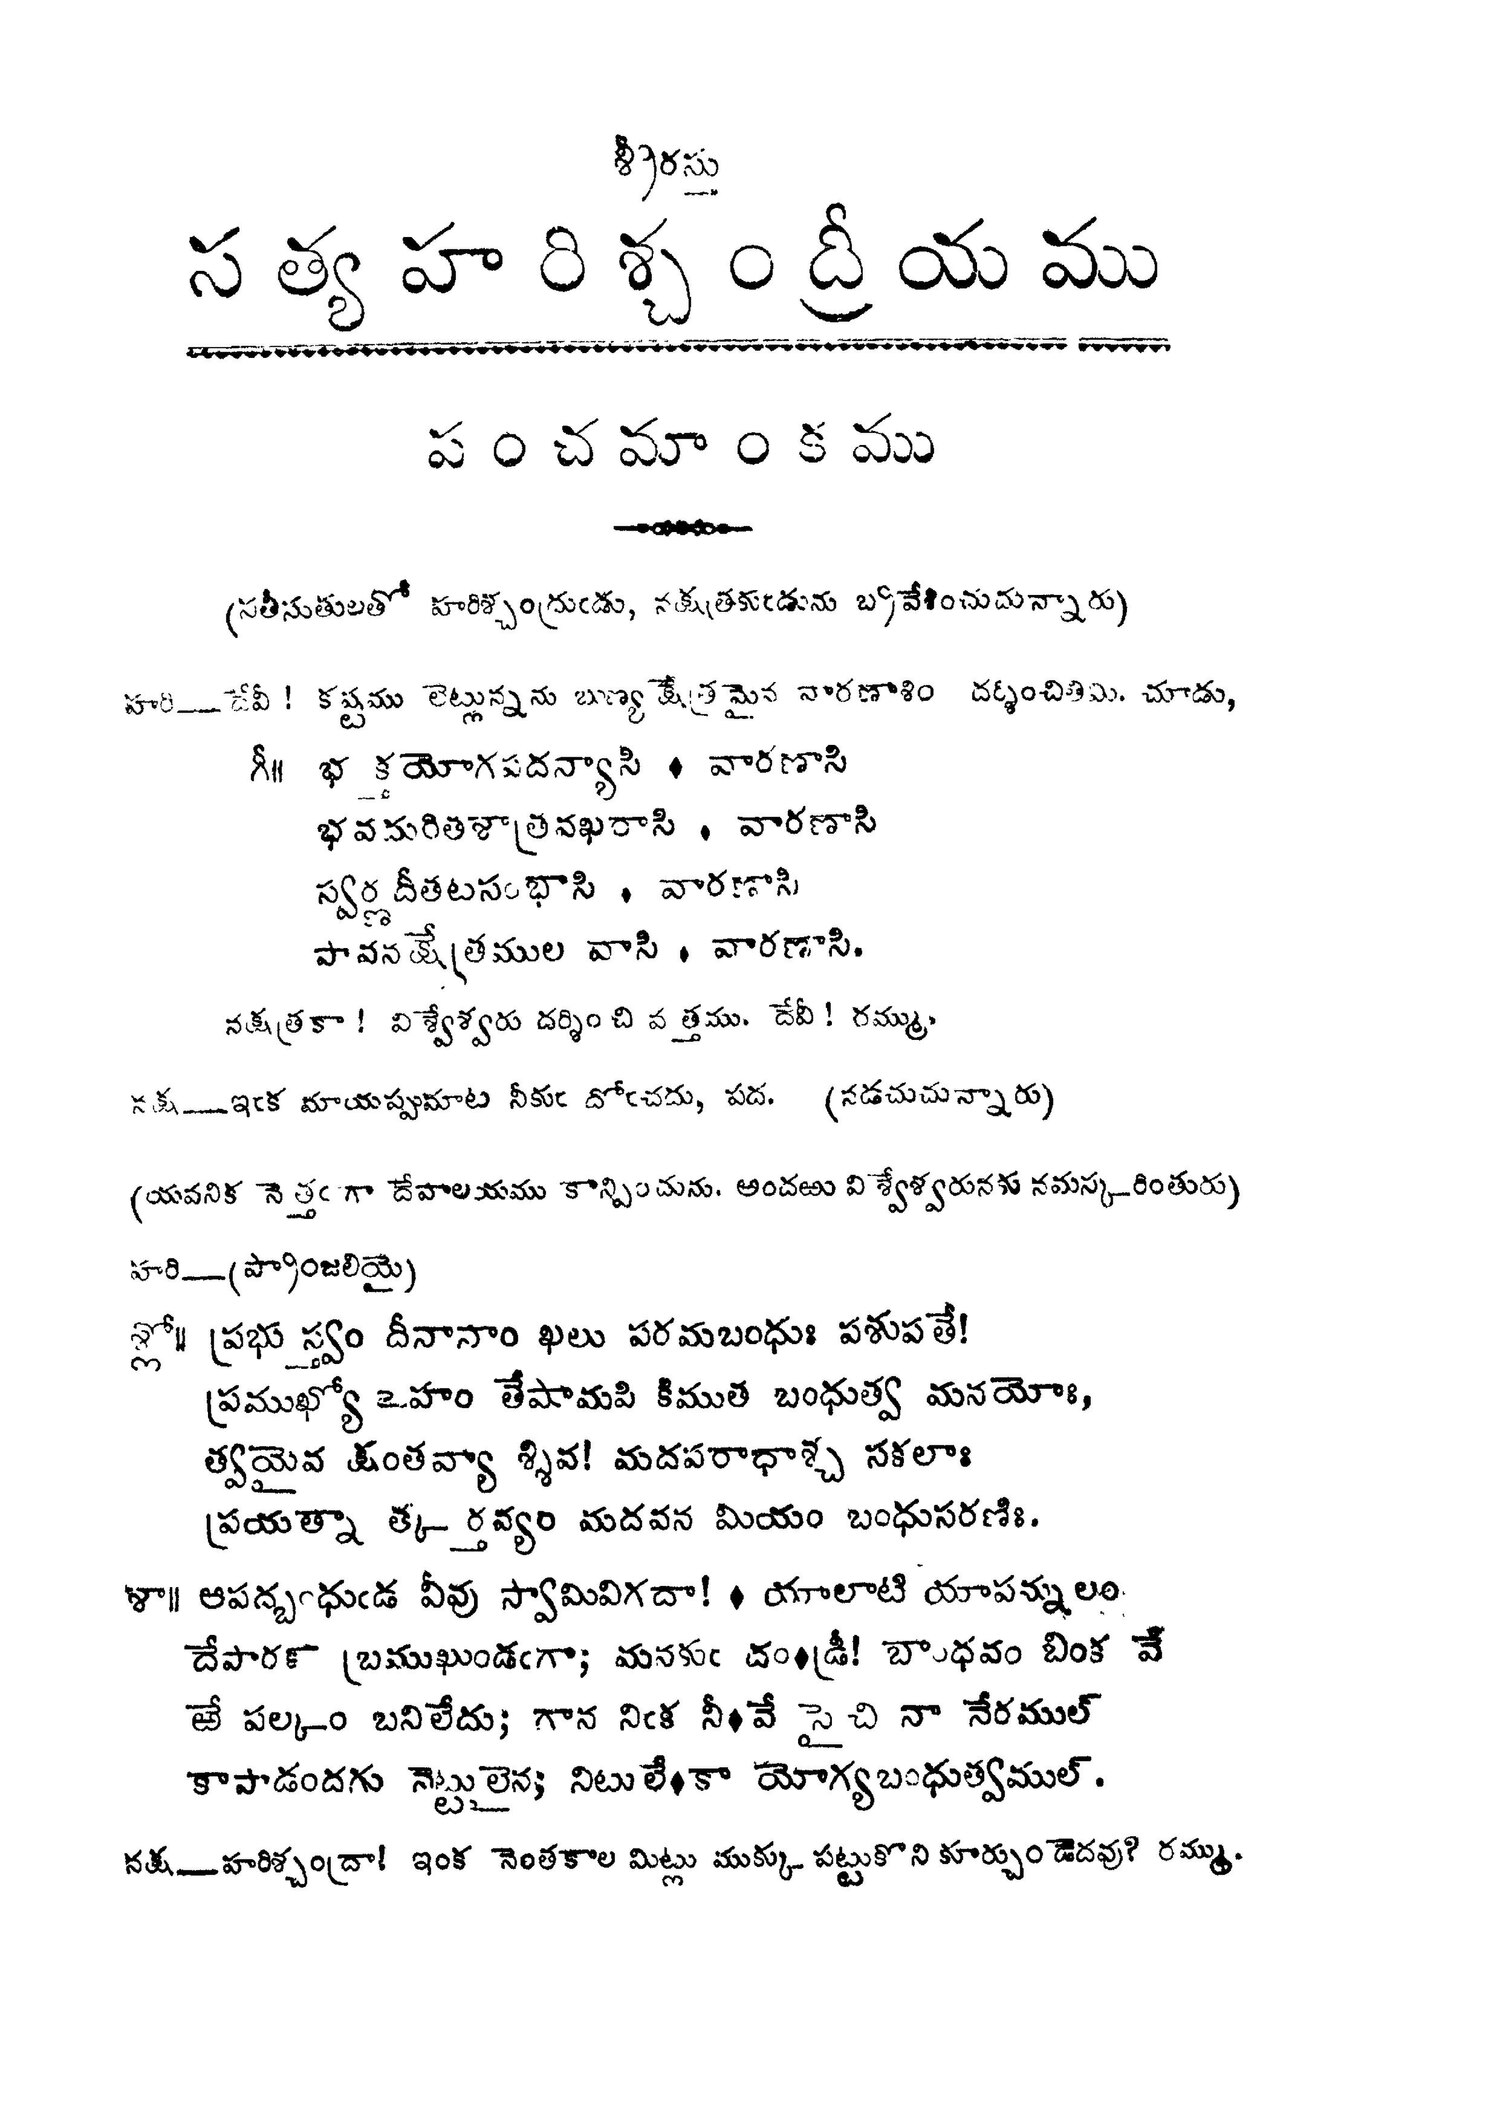(సతీసుతులతో హరిశ్చంద్రుడు నక్షత్రకుఁడు బ్రవేశించుచున్నారు)

హరి -	దేవీ కష్టము లెట్లున్నను, బుణ్యక్షేత్రమైన వారణాశిం దర్శించితిమి. చూడు,

గీ. 	భక్తయోగ పదన్యాసి వారణాసి
భవదురిత శాత్రవఖరాసి వారణాసి
స్వర్ణదీ తటసంభాసి వారణాసి
పావనక్షేత్రముల వాసి వారణాసి.

నక్షత్రకా! విశ్వేశ్వరుని దర్శించి వత్తము. దేవీ! రమ్ము.

నక్ష - 	ఇఁక మాయప్పుమాట నీకు దోచదు, పద. (నడచుచున్నారు)

(యవనిక నెత్తఁగా దేవాలయము కాన్పించును. అందఱు విశ్వేశ్వరునకు నమస్కరింతురు)

హరి - (ప్రాంజలియై)

శ్లో॥ 	ప్రభుస్త్వం దీనానాం ఖలు పరమబంధుః పశుపతే!
ప్రముఖ్యోఽహం తేషామపి కిముత బంధుత్వ మనయోః
త్వయైన క్షంతవ్యా శ్శివ మదపరాధాశ్చ సకలాః
ప్రయత్నా త్కర్తవ్యం మదవన మియం బంధుసరణి.

శా. 	ఆపద్బంధుఁడ వీవు సామివి గదా! మాలాటి యాపన్నులం 
దేపారన్‌ ప్రముఖుండఁగా మనకుం దండ్రీ? బాంధవం బింక వే 
ఱే పల్కం బనిలేదుఁ గాననిఁక నీవే సైఁచి నా నేరముల్‌ 
కాపాడం దగు నెట్టులైనఁ నిటులే కాయోగ్యబంధుత్వముల్‌.

నక్ష -	హరిశ్చంద్రా! ఇంకనెంతకాల మిట్లు ముక్కు పట్టుకొని కూర్చుండెదవు? రమ్ము.